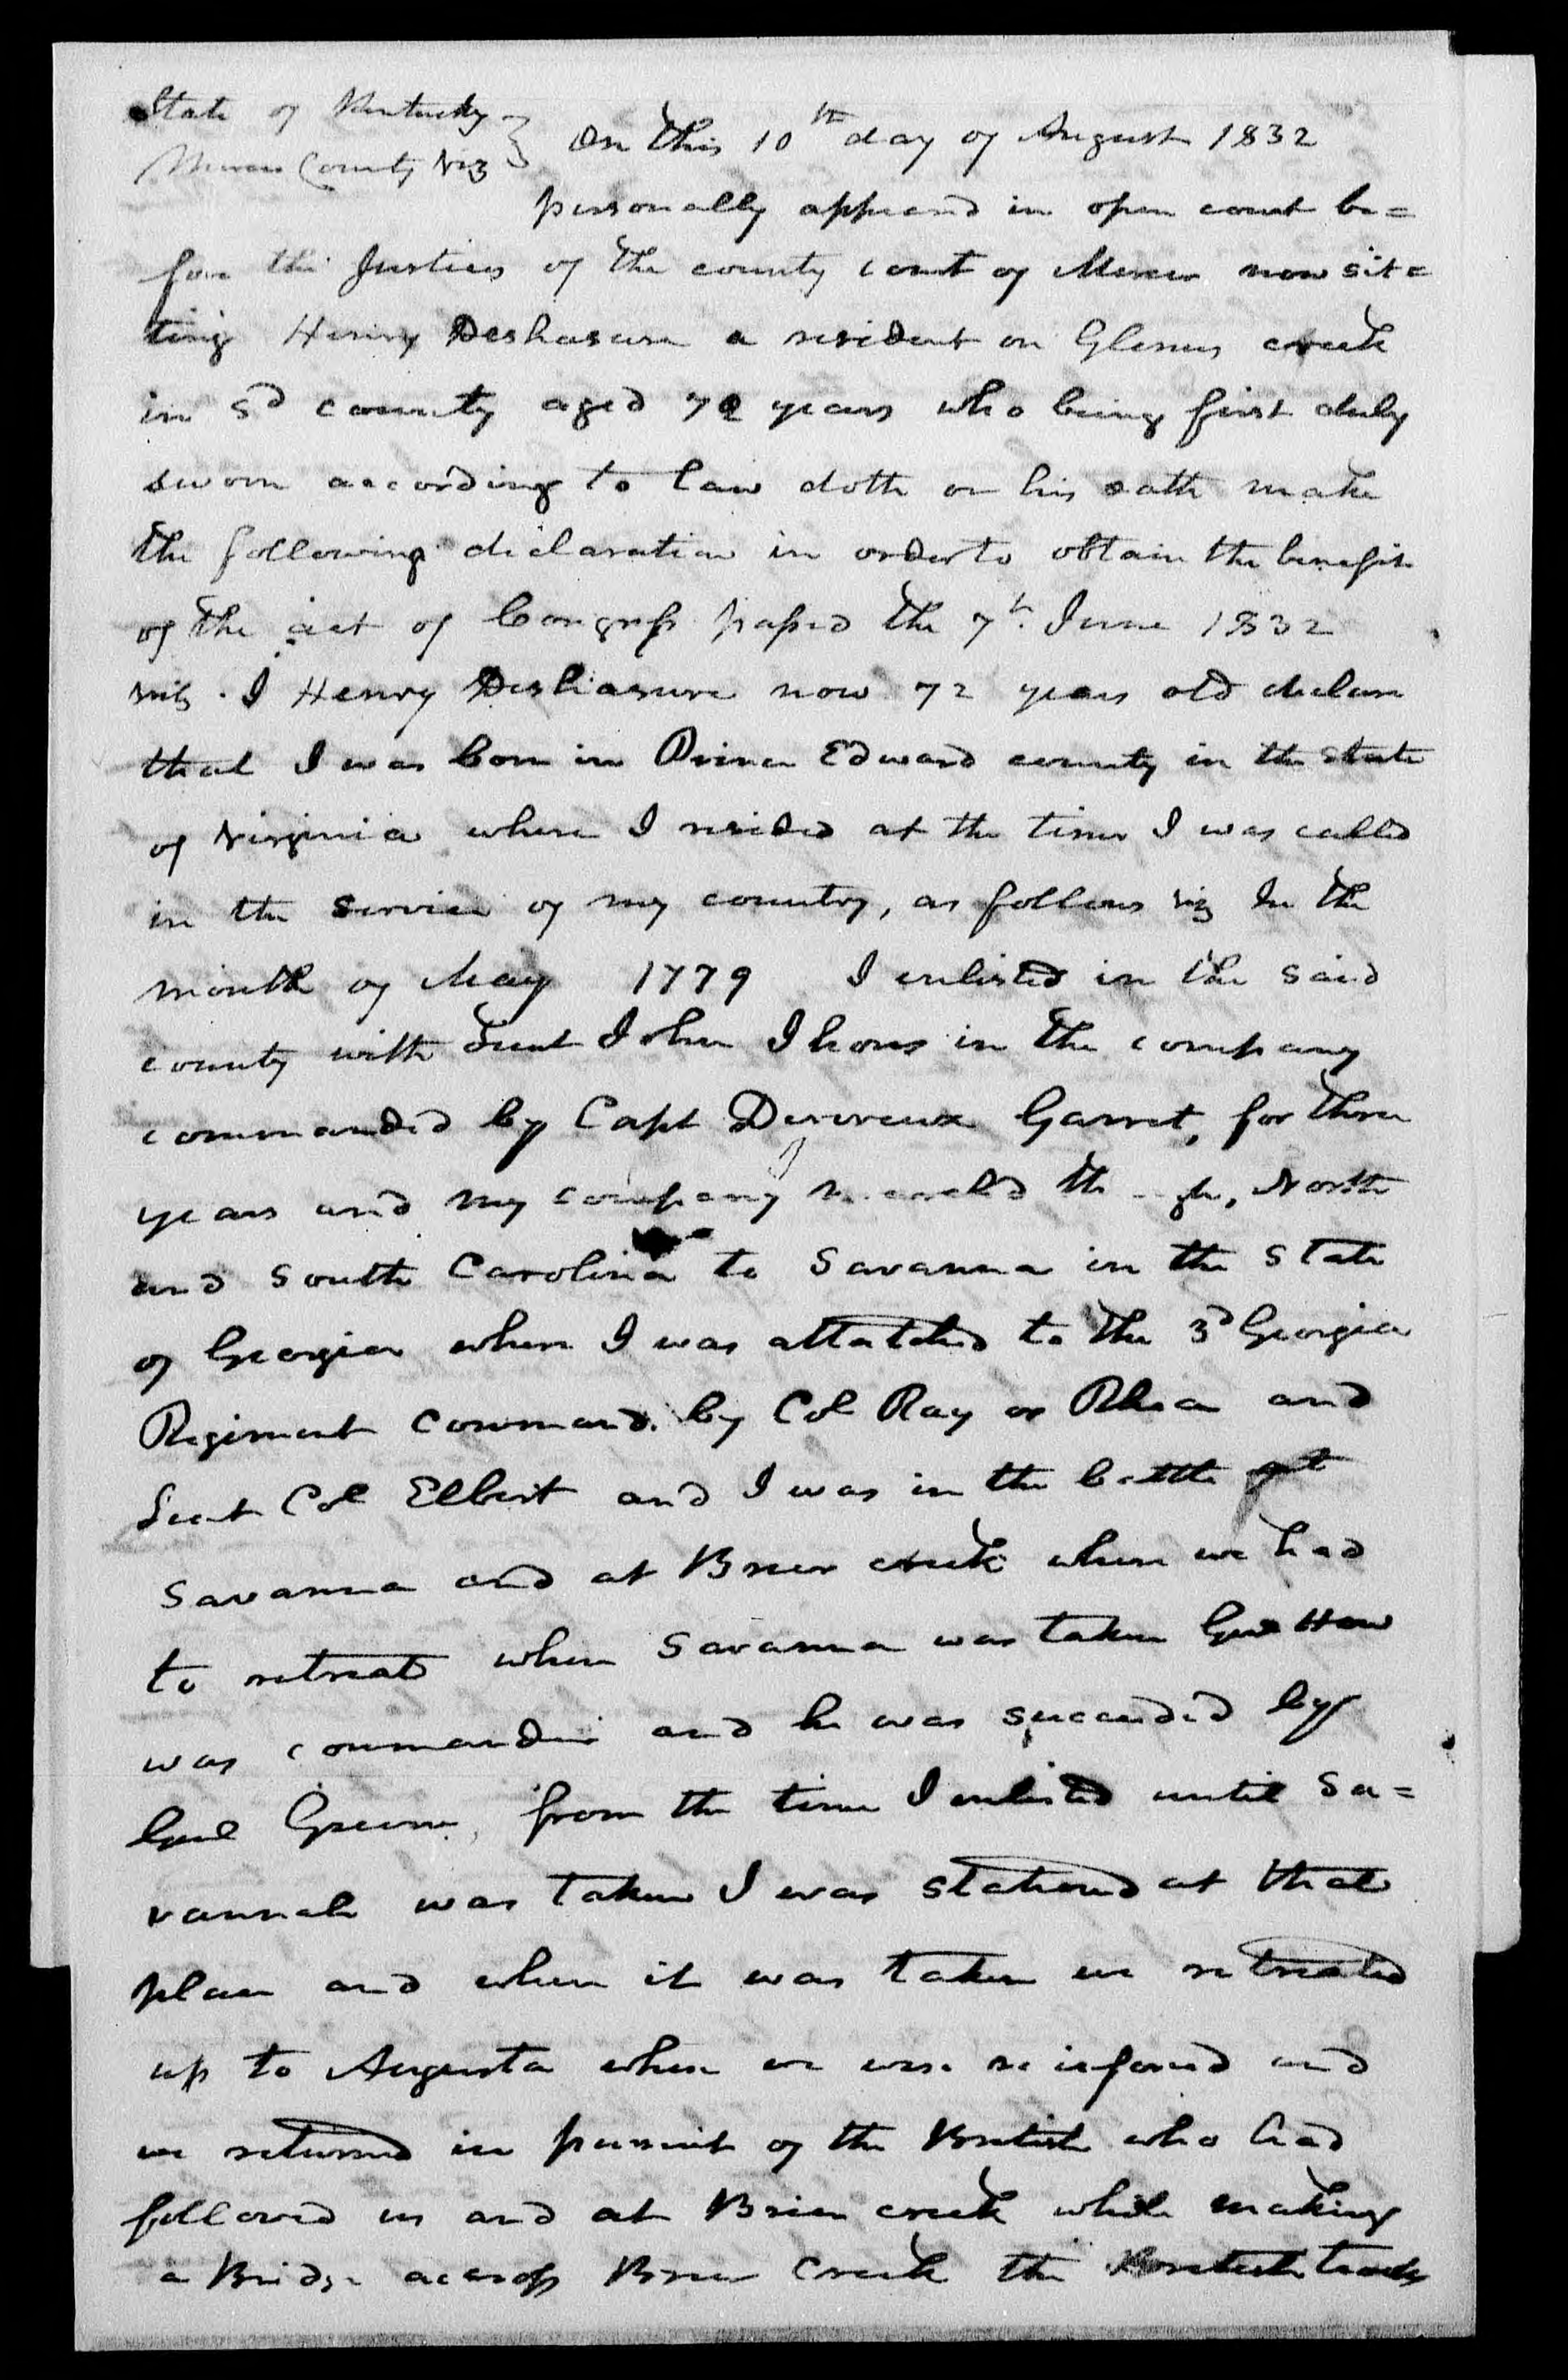State of Kentucky
Monroe County 
On this 10th day of August 1832
Personally appeared in open court before the justices of the county court of Monroe now sitting Henry Deshasure a resident on Glenn creek in  sd county, aged 72 years who being first duly sworn according to law doth on his oath make the following declaration in order to obtain the benefits of the act of Congress passed the 7th of June 1832. to wit, I Henry Deshasure now 72 years old declare that I was born in Prince Edward county in the state of Virginia where I resided at the time I was called in the service of my country, as follows Viz in the month of May 1779. I enlisted in the said county with Lieut John Thomas in the company commanded by Capt Devereaux Garret, for three years and my company marched through North and South Carolina to Savanna in the state of Georgia when I was attached to the 3rd Georgia Regiment commanded by Col Ray or Rhea and Lieut Col Elbert and I was in the battle at Savanna and at Brunswick where we had to retreat when Savanna was taken Genl How was commander and he was succeeded by Genl Greene from the time I enlisted until Savannah was taken I was stationed at that place and when it was taken we retreated up to Augusta when we were re inforced and we returned in pursuit of the British who had followed us and at Briar creek while making a bridge across Briar Creek the British took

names: Devereux Garret, Greene, John, Elbert, Rhea, Ray, Henry Deshasure, Henry Deshasure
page: 3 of 12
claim: survivor's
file: S. 16,362, Henry Deshasure, Ga. S.C.